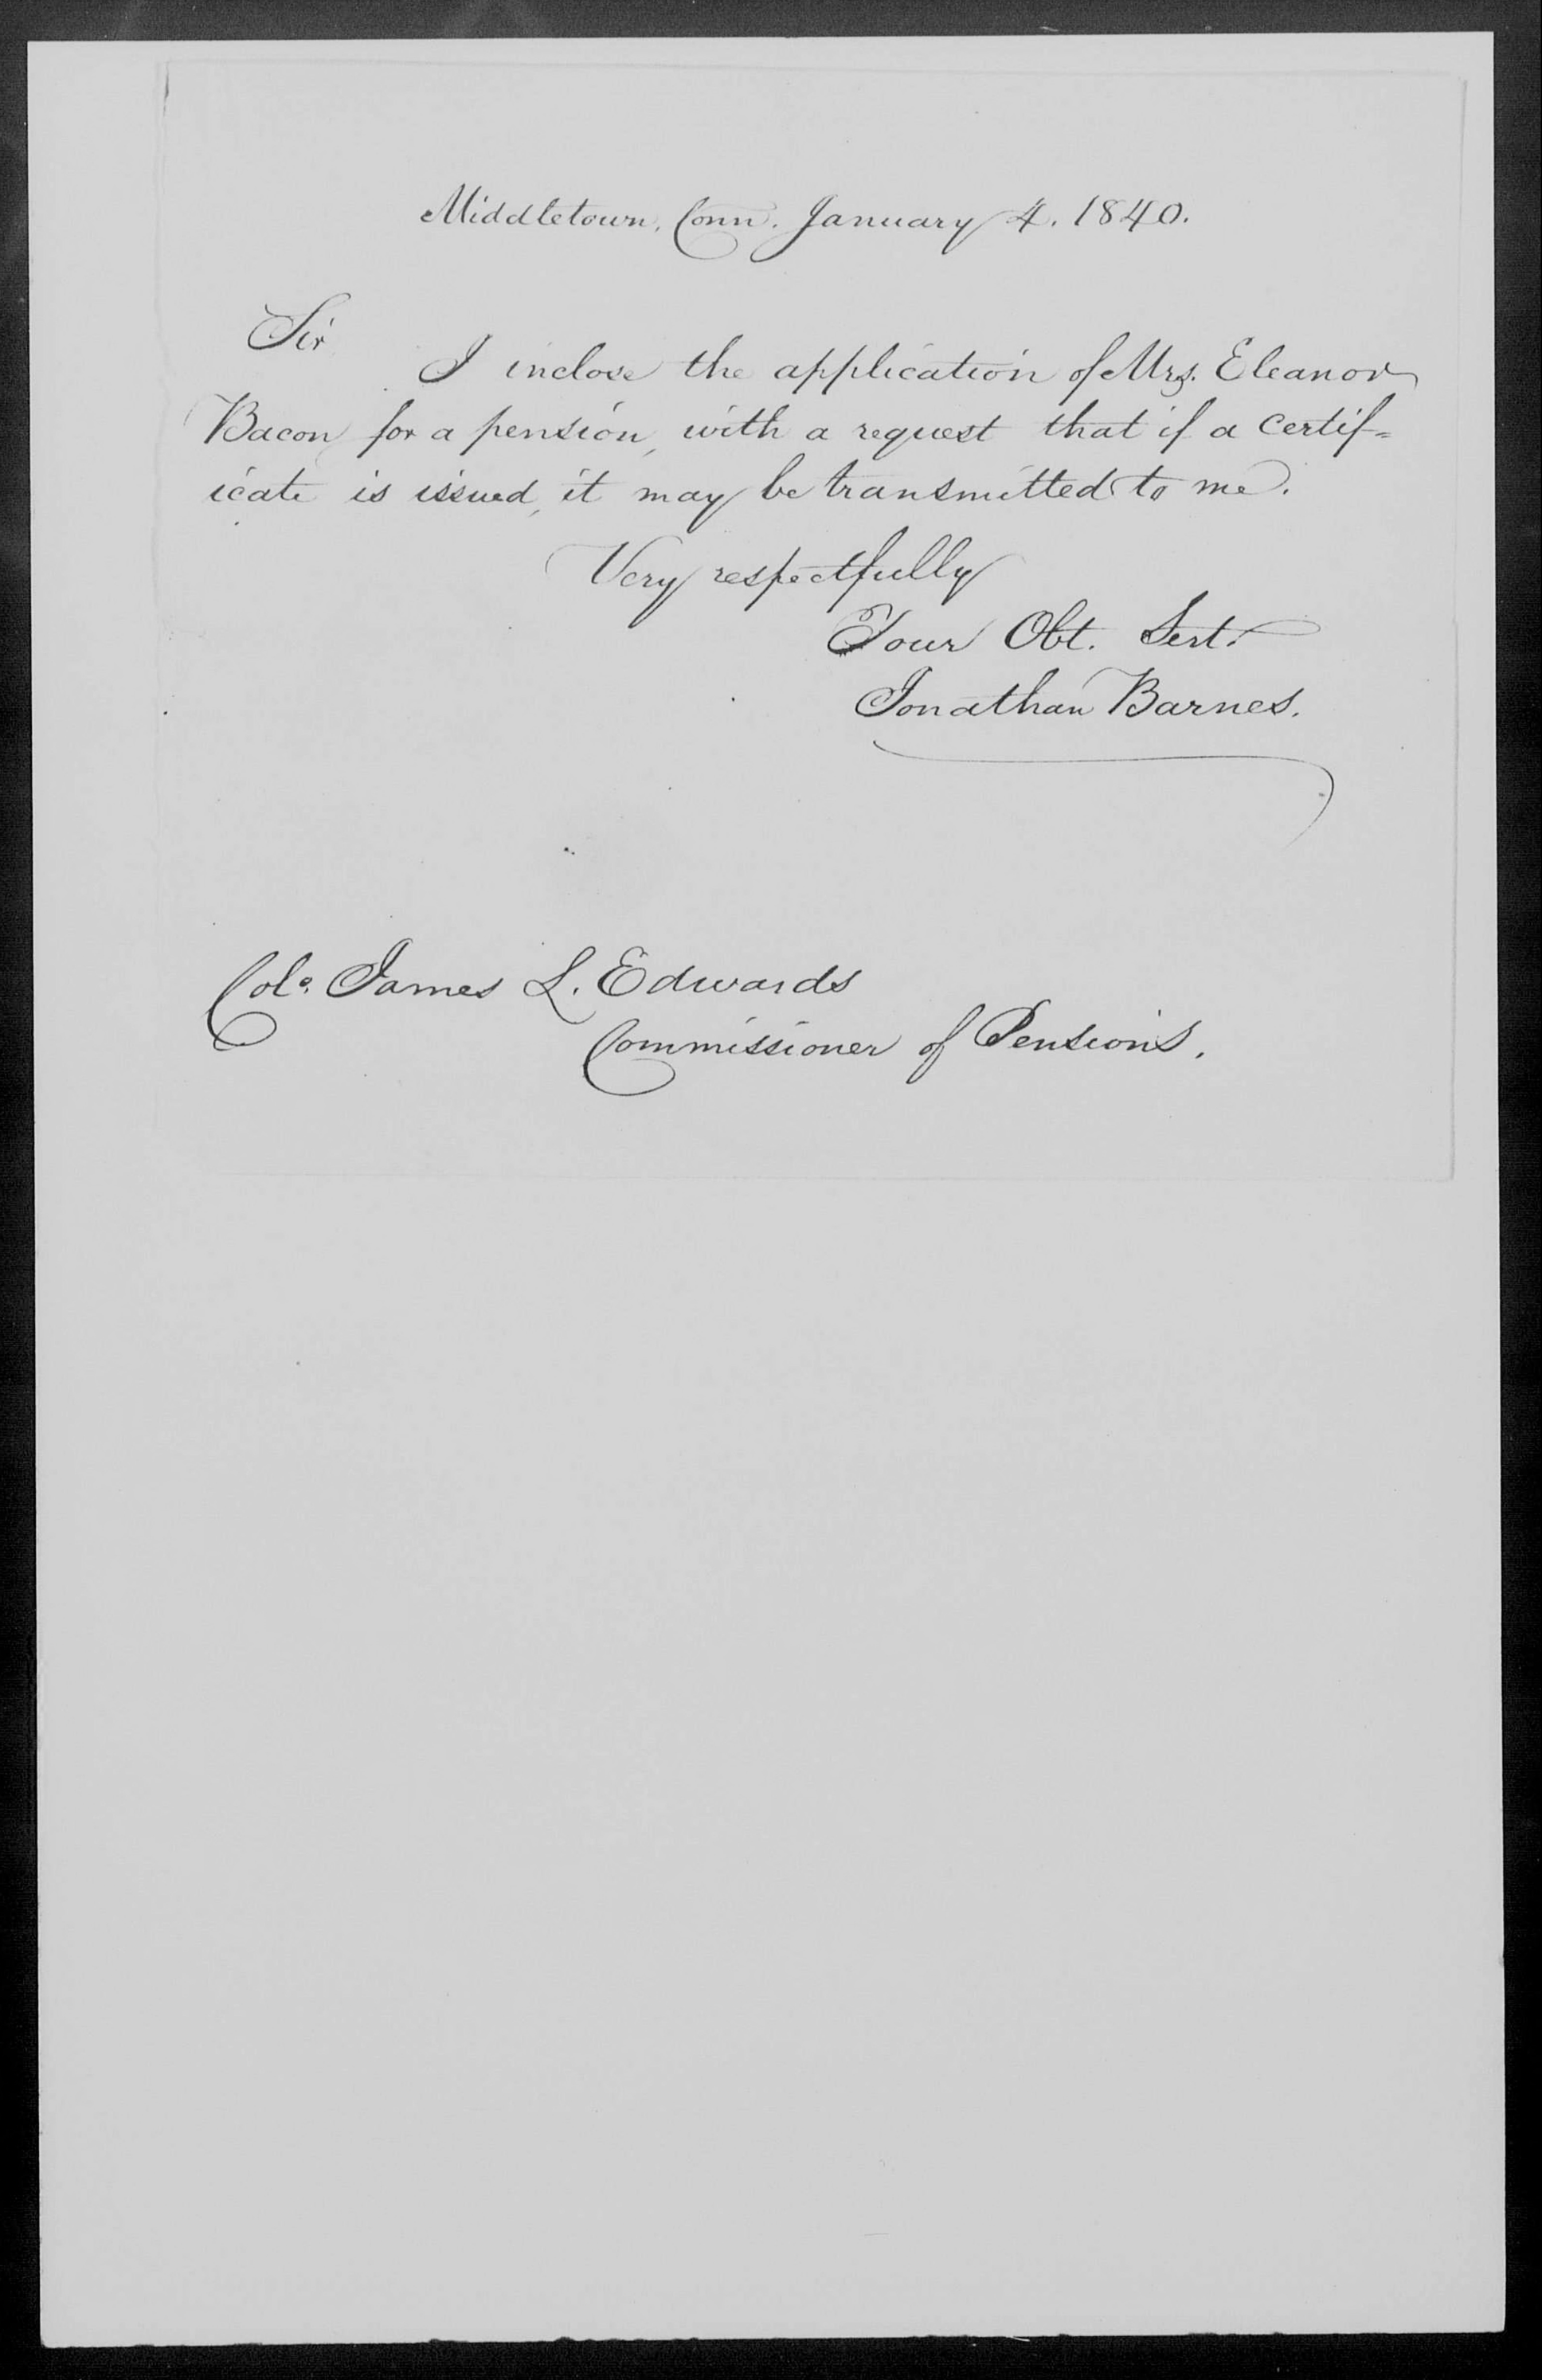Middletown, Conn. January 4, 1840

Sir
I enclose the application of Mrs. Eleanor Bacon for a pension, with a request that if a certificate is issued, it may be transmitted to me. 

Very respectfully
Your Obedient Servant
Jonathan Barnes

Colonel James L. Edwards
Commission of Pensions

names: Eleanor Bacon, James L Edwards, Jonathan Barnes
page: 14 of 24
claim: widow's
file: W. 25190, Joseph Bacon, Continental (Conn)